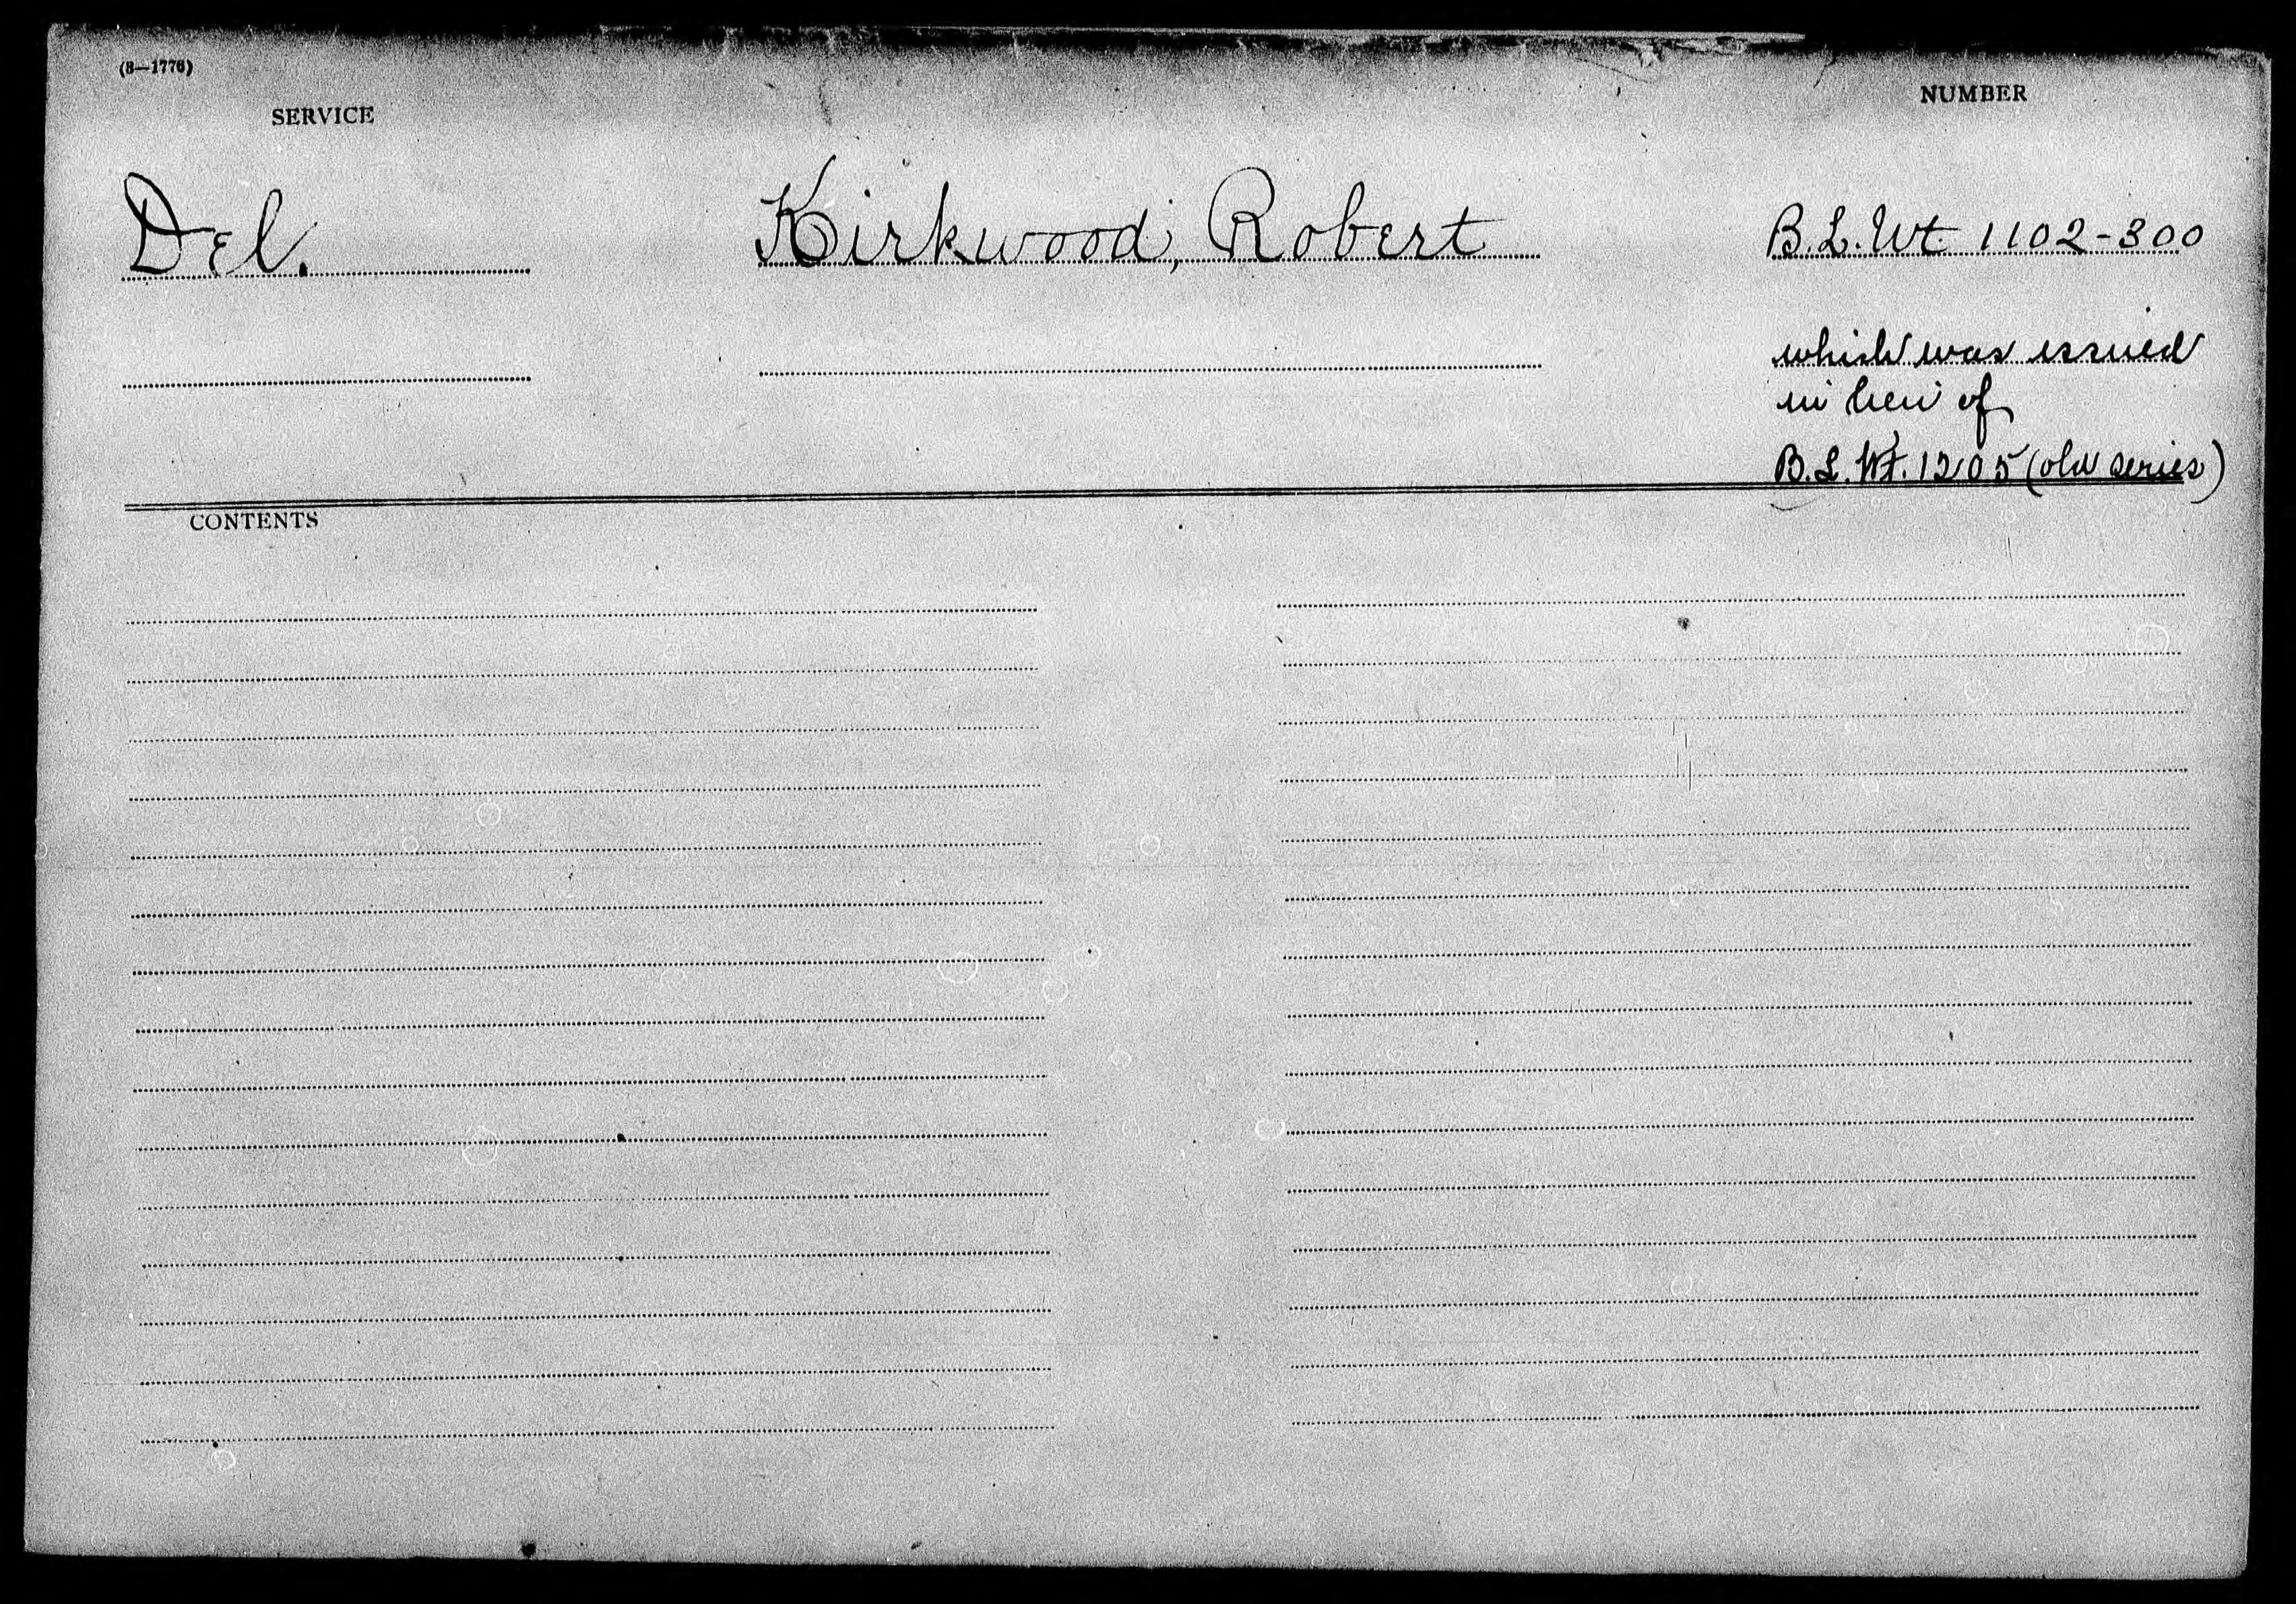Del.      Kirkwood, Robert     B.L. Wt 1102-300
                                             which was issued
                                              in lieu of
                                       B.L. Wt . 1205 (old series)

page: 1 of 20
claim: bounty land warrant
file: B. L. Wt. 1102-300, for Robert Kirkwood, Delaware